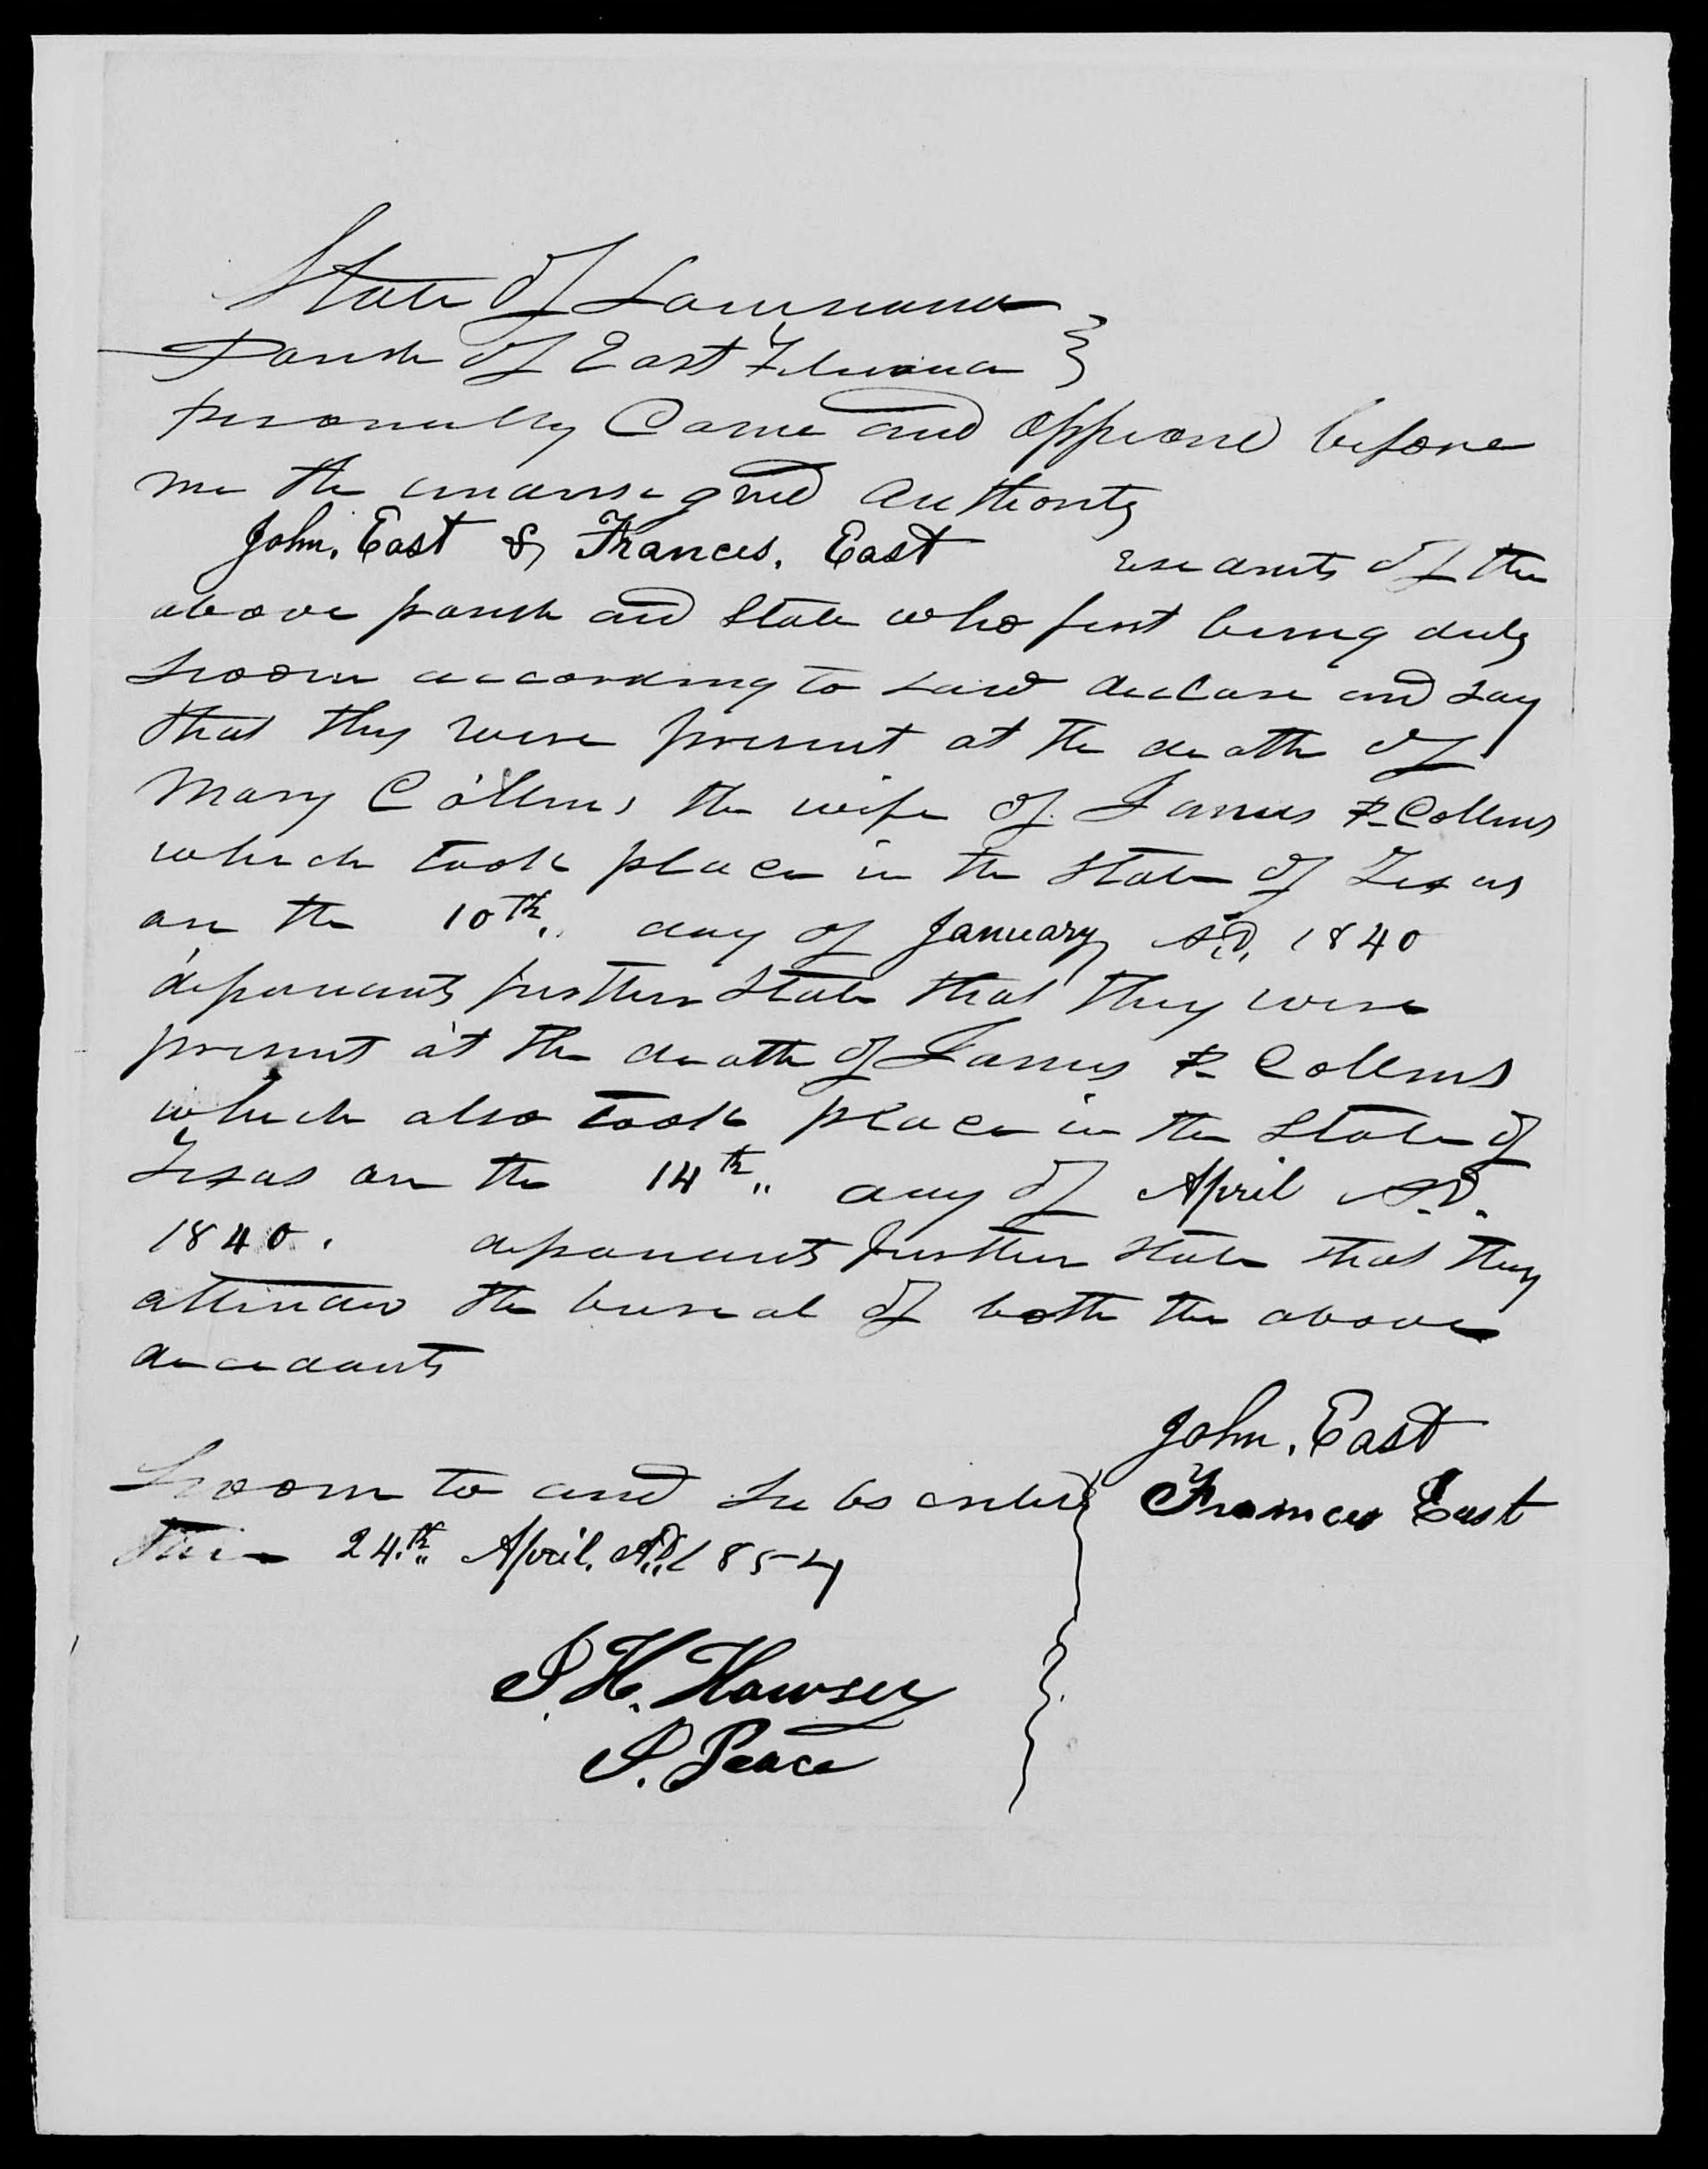State of Louisiana
Parish of East Feliciana
Personally came and appeared before me the unassigned authority John, East & Frances, East residents of the above parish and state who first being duly sworn according to Law declare and say that they were present at the death of Mary Collins, the wife of James P. Collins which took place in the state of Texas on the 10th day of January A.D. 1840 deponants further state that they were present at the death of James P. Collins which also took place in the State of Texas on the 14th day of April A.D. 1840. Deponants further state that they attended the burial of both the above decedants.
John. East
Frances East
Sworn to and subscribed
this 24th April A.D. 1854
J. H. Hawsey
J. Peace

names: John East, J H Hawsey, John East, Mary Collins, James P Collins, James P Collins, Francis East, Francis East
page: 46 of 48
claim: rejected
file: R. 2173, James P Collins, S. C.